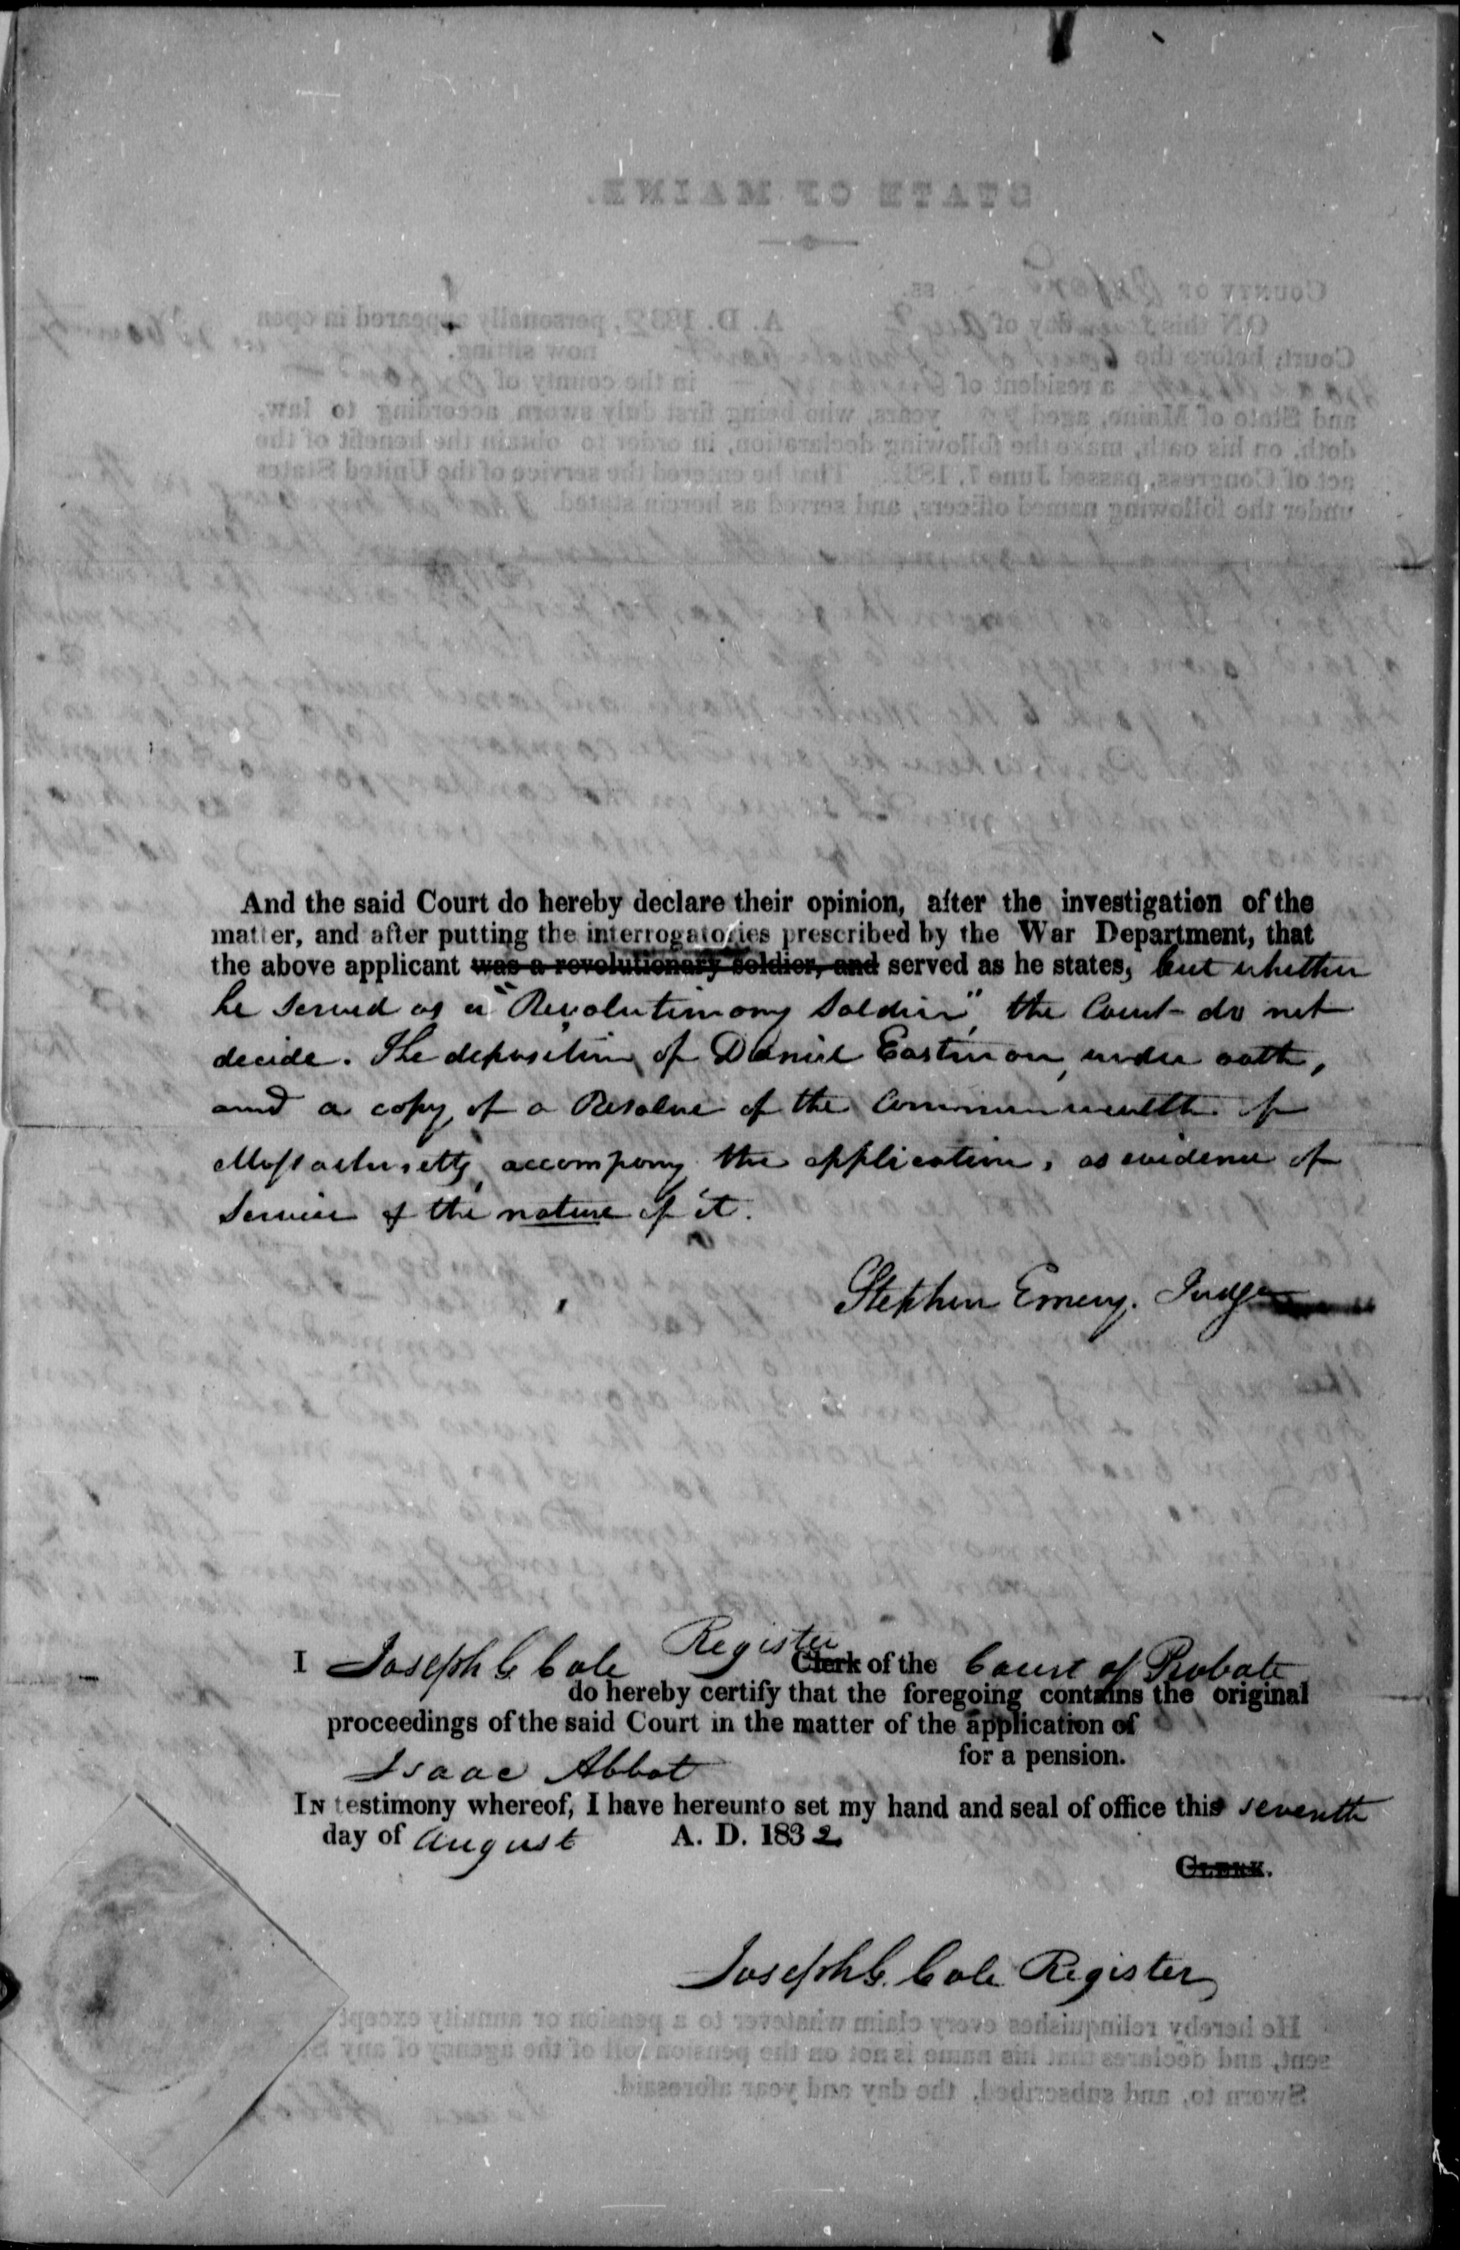And the said Court do hereby declare their opinion, after the investigation of the matter, and after putting the interrogatories prescribed by the War Department, that the above applicant served as he states, but whether he served as a "Revolutionary Soldier" the Court did not decide. The depositions of Daniel Eastmon, under oath, and a copy of a Resolve of the Commonwealth of Massachusetts, accompany the applications, as evidence of Service of the nature of it.

[SIGNED: Stephen Emery] Judge


I, Joseph G. Cole, Register of the Court of Probate, do hereby certify that the foregoing contains the original proceedings of the said Court in the matter of the application of Isaac Abbot for a pension.
IN testimony whereof, I have hereunto set my hand and seal of office this seventh say of August A.D. 1832.

[SIGNED: Joseph G. Cole] Register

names: Stephen Emery, Joseph G Cole, Daniel Eastmon, Isaac Abbot, Joseph G Cole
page: 5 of 86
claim: survivor's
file: S 29,568, Isaac Abbot, Mass